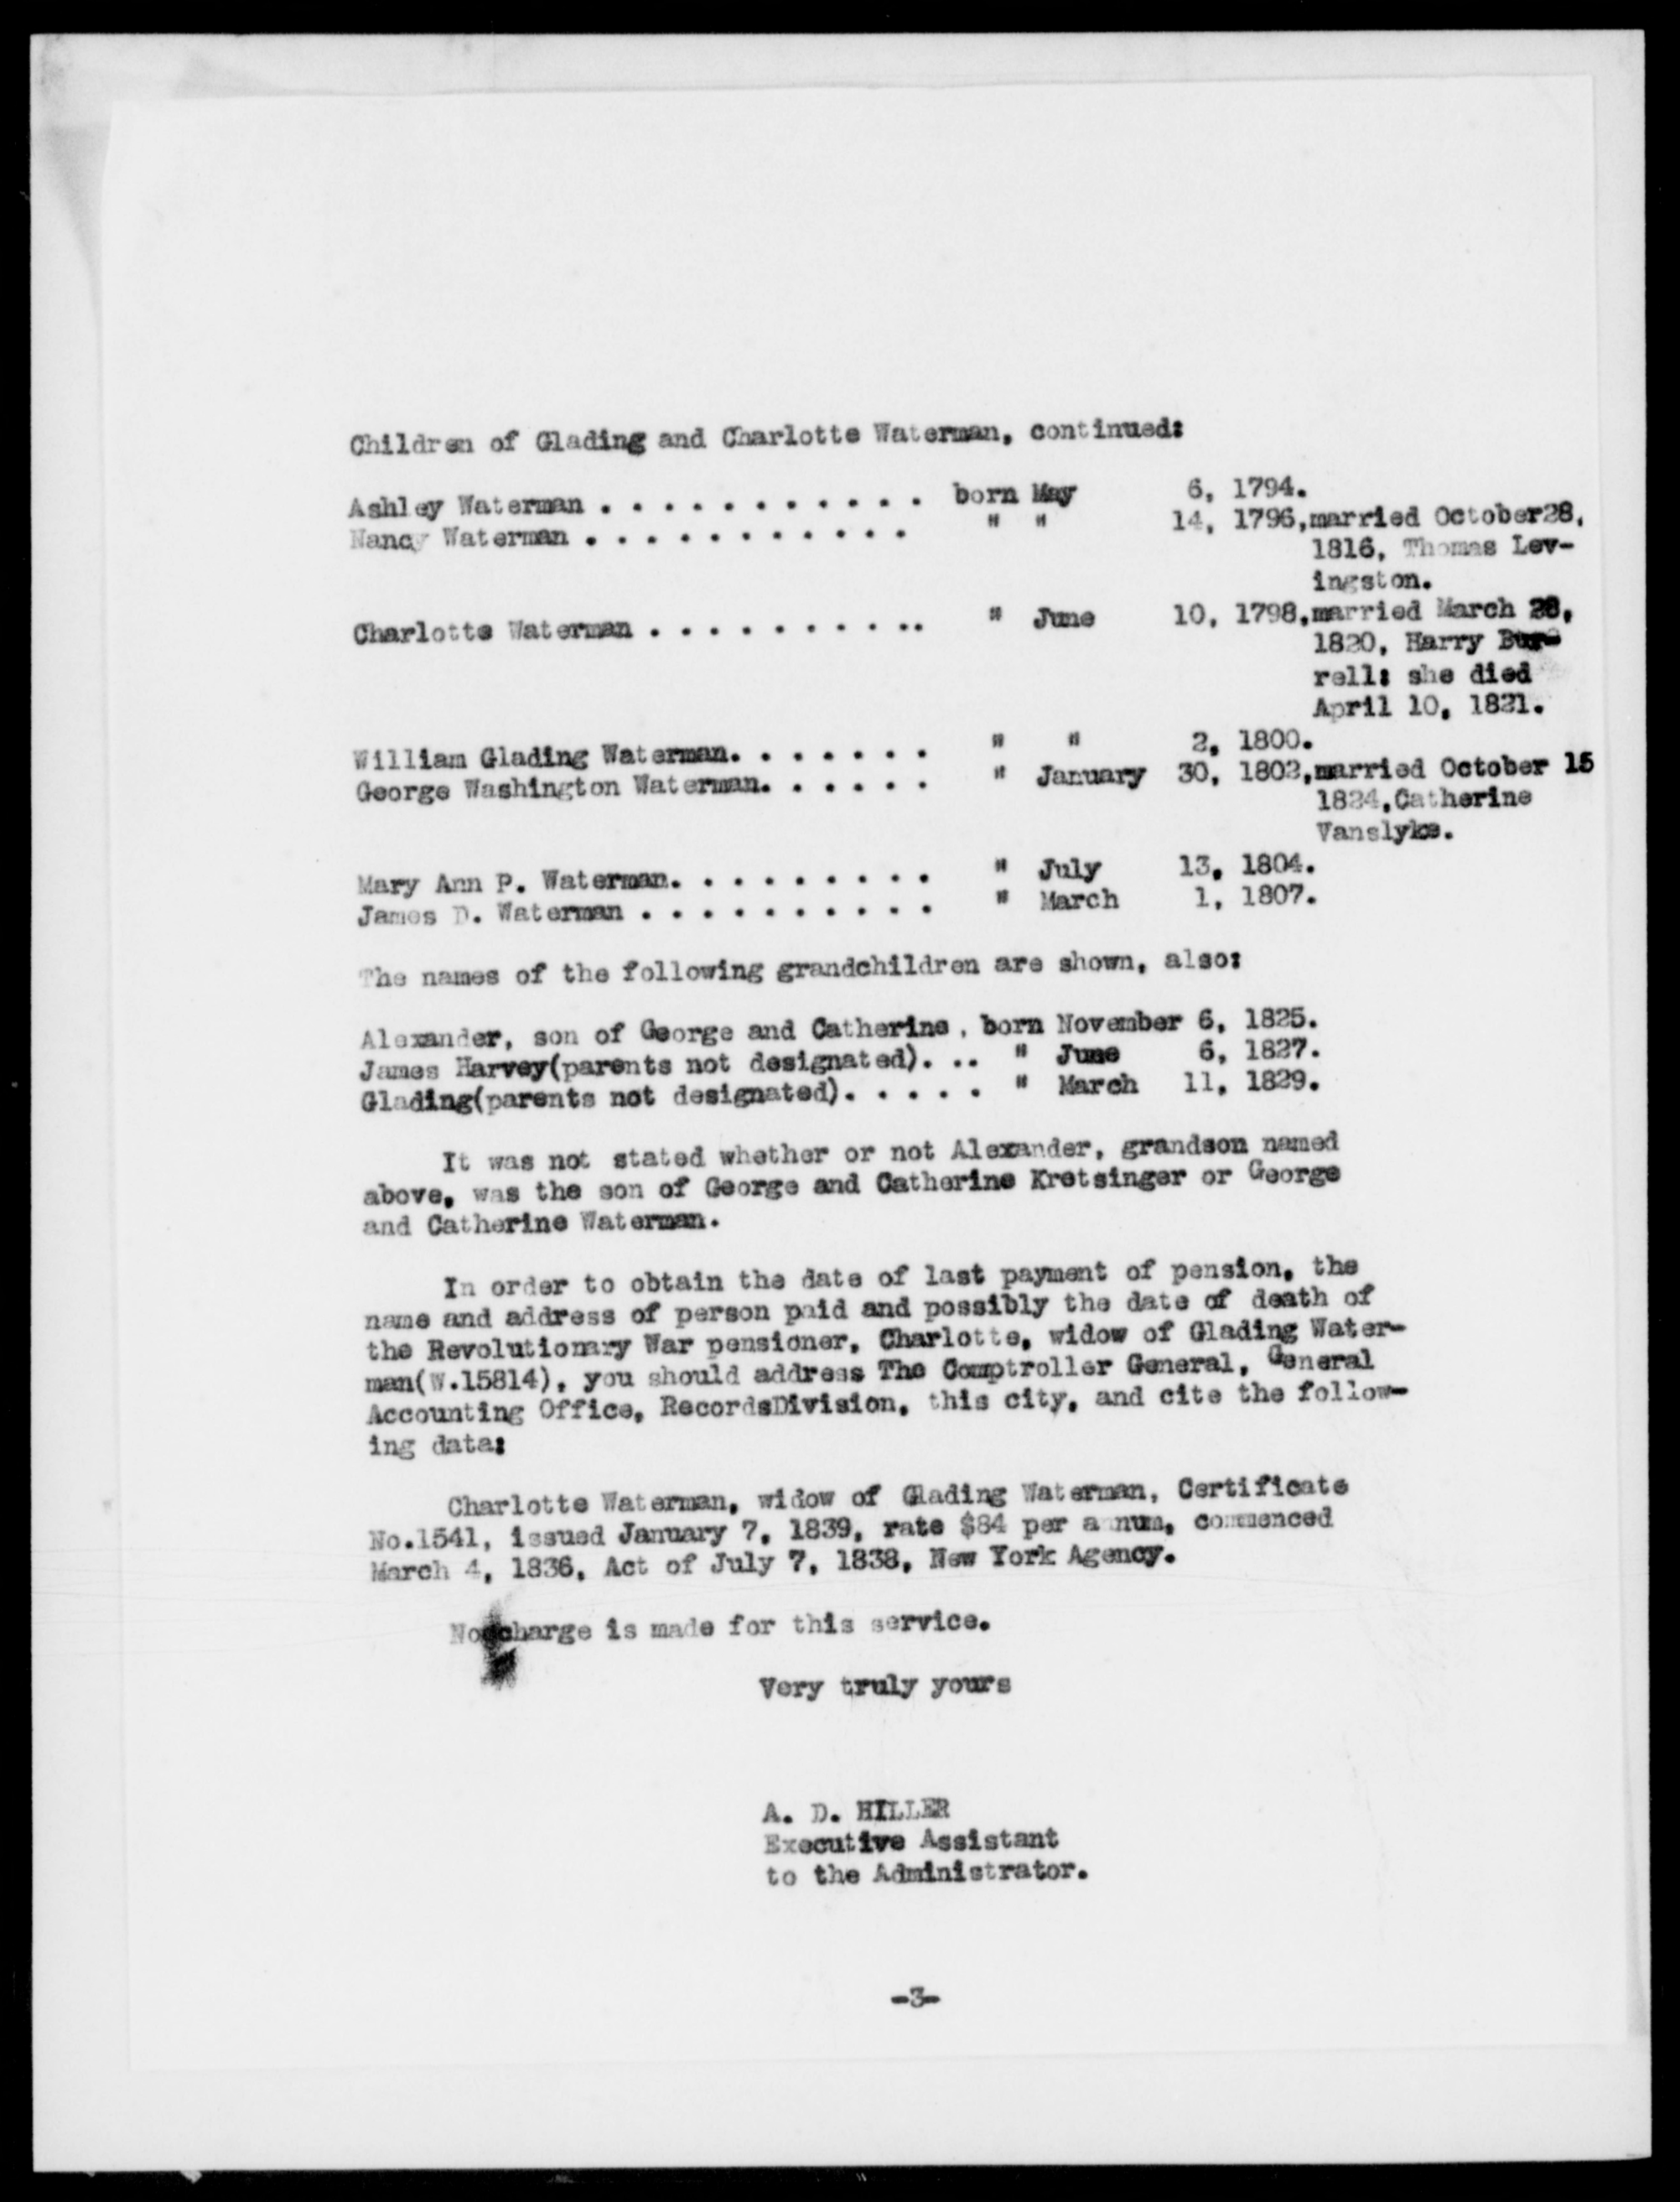Children of Glading and Charlotte Waterman, continued:

Ashley Waterman  born May 6, 1794.

Nancy Waterman   born May 14, 1796, married October 28, 1816, Thomas Levingston.

Charlotte Waterman born June 10, 1798, married March 28, 1820, Harry Burrell; she died April 10, 1821.

William Glading Waterman  born June 2, 1800.

George Washington Waterman  born January 30, 1802, married October 15, 1824, Catherine Vanslyke.

Mary Ann P. Waterman  born July 13, 1804.

James D. Waterman  born March 1, 1807.

The names of the following grandchildren are shown, also:

Alexander, son of George and Catherine, born November 6, 1825.
James Harvey (parents not designated), born June 6, 1827.
Glading (parents not designated), born March 11, 1829.

       It was not stated whether or not Alexander, grandson named above, was the son of George and Catherine Kretisinger or George and Catherine Waterman.

         In order to obtain the date of last payment of pension, the name and address of person paid and possibly the date of death of the Revolutionary War pensioner, Charlotte, widow of Glading Waterman (W.15814), you should address The Comptroller General, General Accounting Office, Records Division, this city, and cite the following data:

            Charlotte Waterman, widow of Glading Waterman, Certificate No. 1541, issued January 7, 1839, rate $84 per annum, commenced March 4, 1836, Act of July 7, 1838, New York Agency.

No charge is made for this service.

Very truly yours

A. D. HILLER 
Executive Assistant
to the Administrator.

                              -3-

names: Mary Ann P Waterman, George Washington Waterman, James Harvey, Catherine Waterman, Charlotte Waterman, George Waterman, Alexander, Ashley Waterman, Catherine Vanslyke, Harry Burrell, Thomas Levingston, A D Hiller, Glading Waterman, Nancy Waterman, Catherine Kretsinger, George Kretsinger, William Glading Waterman, James D Waterman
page: 26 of 50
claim: widow's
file: W. 15814, Glading Waterman, Conn. Conn. Sea Service Continental